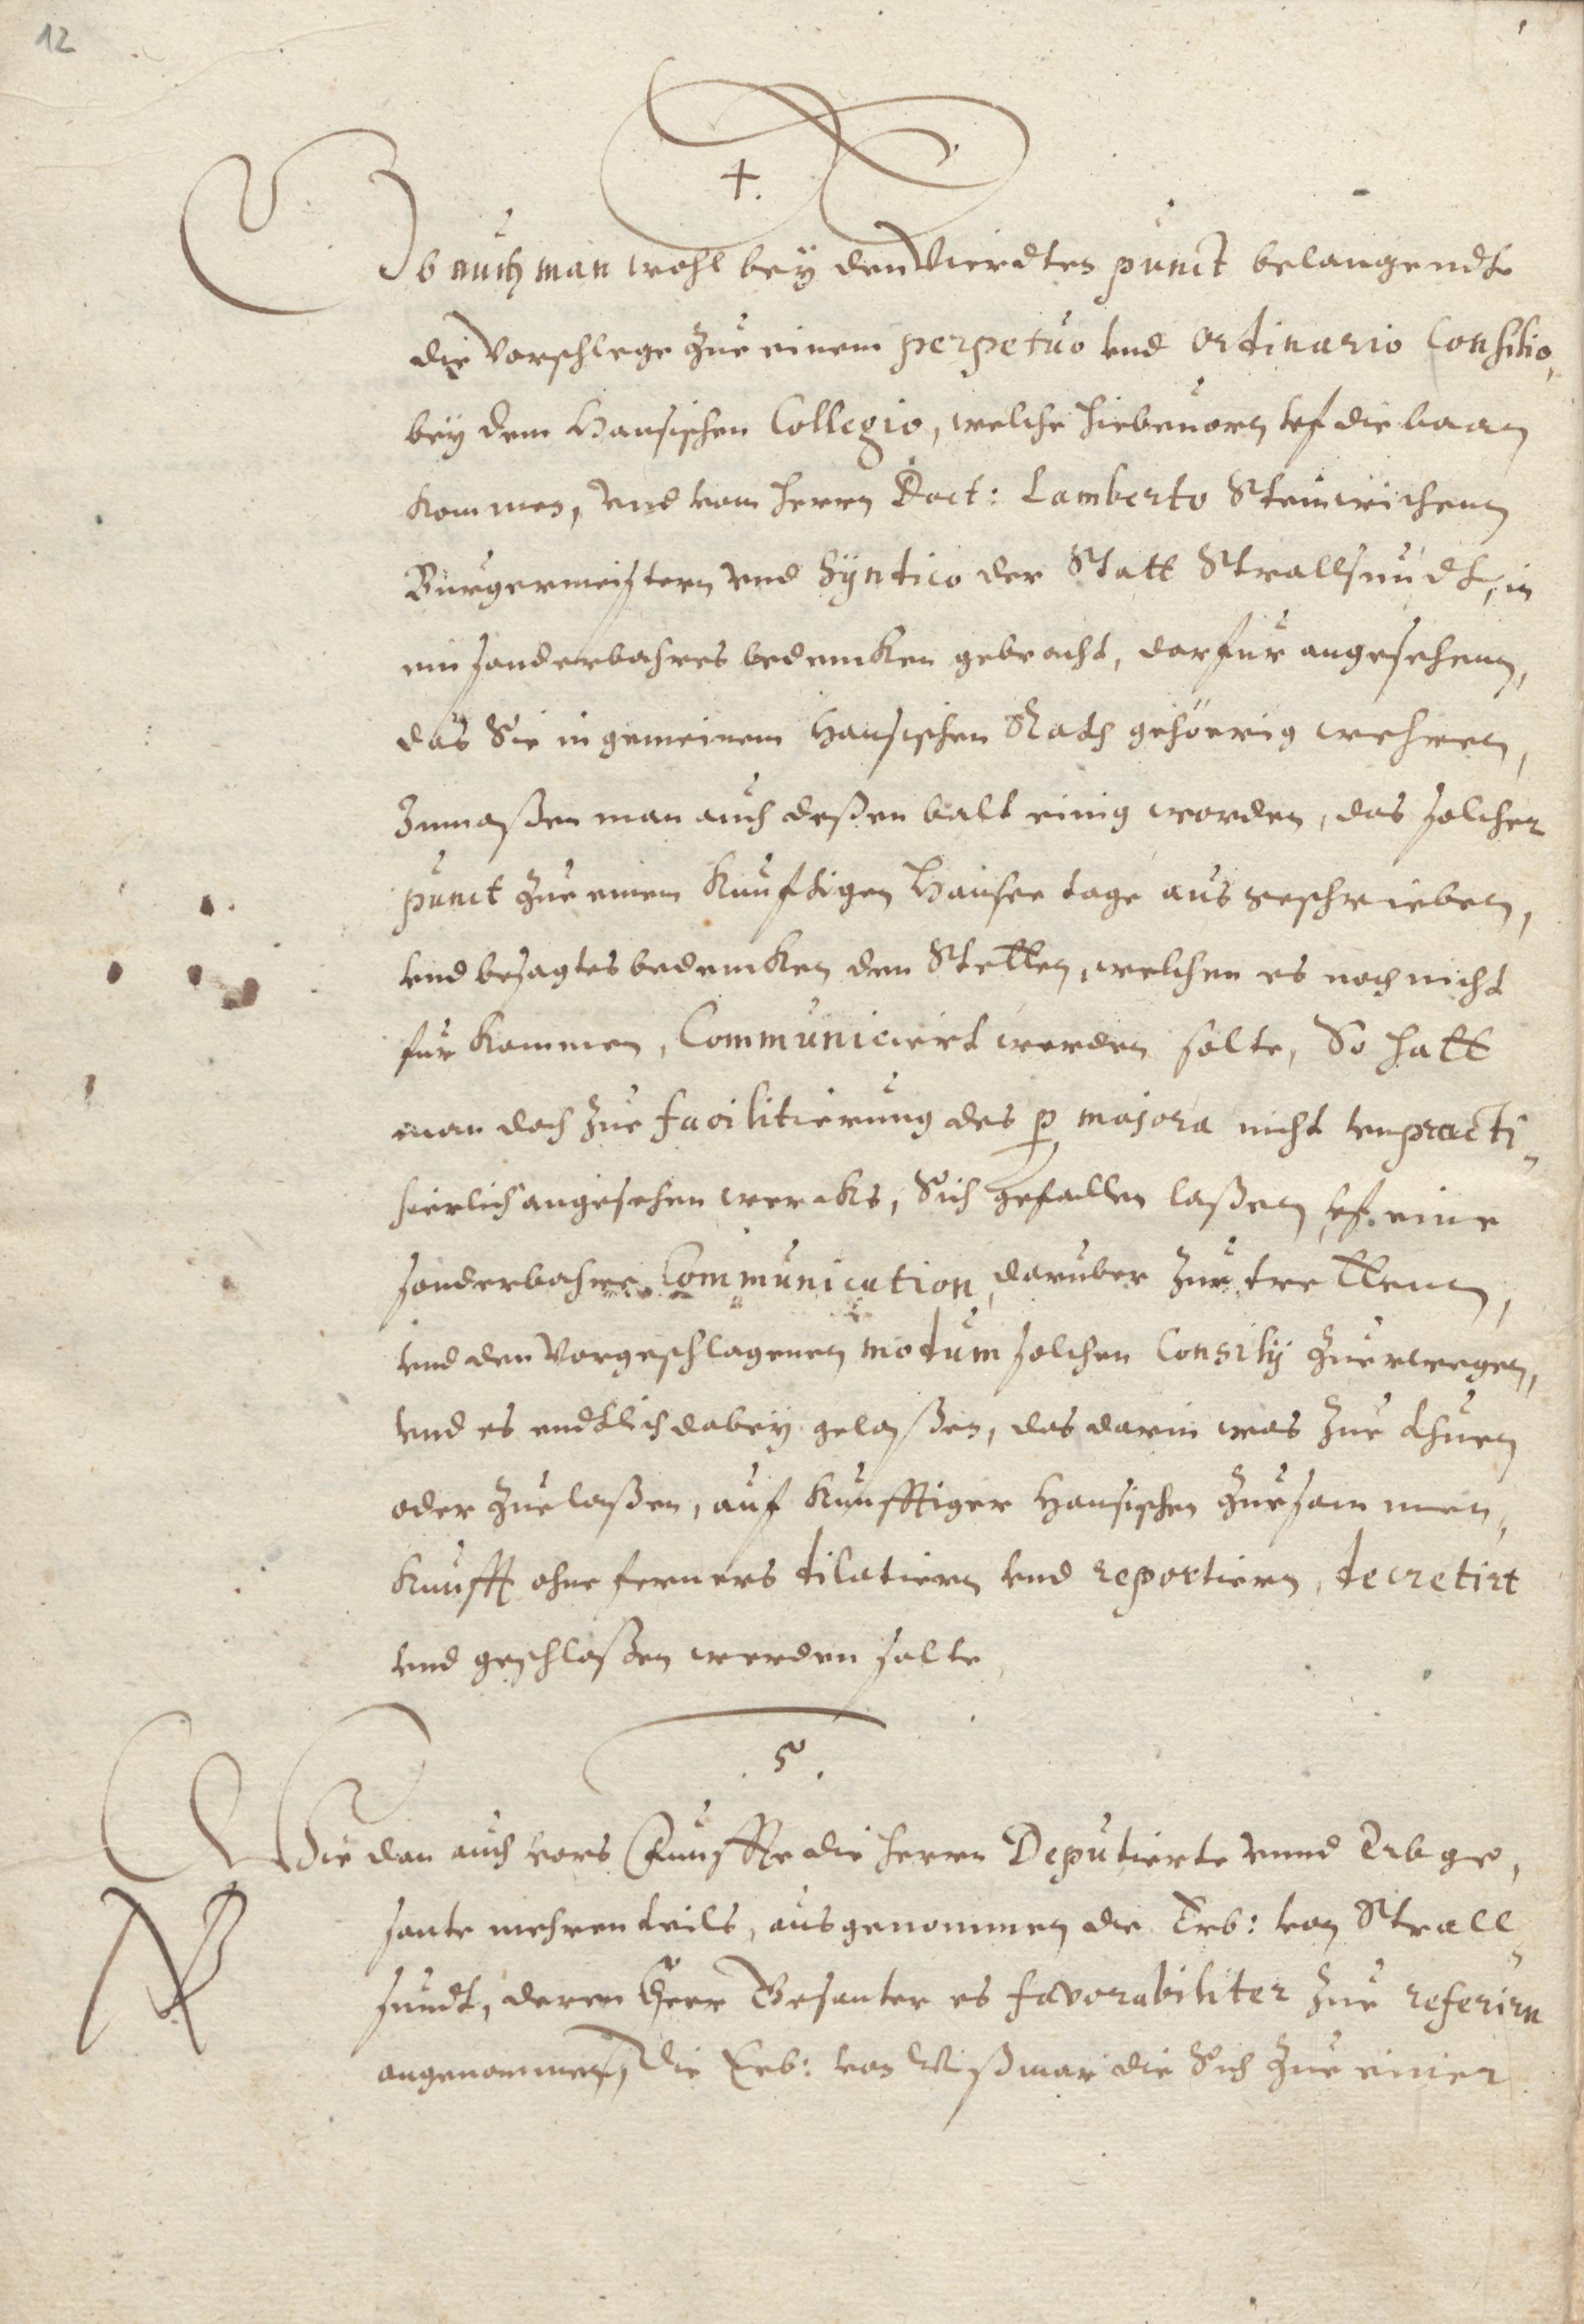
4
Ob auch man wohl beij den Vierdten punct belangendt
die Vorschlege zue einem perpetuo vnd ordinario consilio
beij dem Hansischen Collegio, welche hiebeuorn vf die baan
kommen, vnd vom herrn Doct: Lamberto Steinwichenn
Burgermeistern vnd Sijndico der Statt Strallsundt, in
ein sonderbahres bedencken gebracht, darfur angesehenn,
das Sie in gemeinem Hansischen Rath gehöerig wehren,
zumaßen man auch deßen balt einig worden, das solcher
punct zue einen Kunftigen Hansee tage ausgeschrieben,
vnd besagtes bedencken den Stetten, welchen es noch nicht
furkommen, Communiciert werden solte, So hatt
man doch zue facilitierung des per maiora nicht vnpracti¬
sierlich angesehen wercks, Sich gefallen laßen, vf eine
sonderbahre Communication daruber zue trettenn,
vnd den vorgeschlagenen modum solchen Consilii zuerwegen,
vnd es endtlich dabeij gelaßen, das darin was zue thuen
oder zuelaßen, auf kunfftiger Hansischen Zuesammen¬
kunfft ohne ferners dilatiern vnd reportiern, decretirt
vnd geschloßen werden solte.
5.
Wie dan auch vors Funffte die herrn Deputierte vnnd Abge¬
sante mehren teils, ausgenommen die Erb: von Strall¬
sundt, deren Herr Gesanter es favorabiliter zue referirn
angenommen, die Erb: von Wißmar die Sich zue einer
NB
